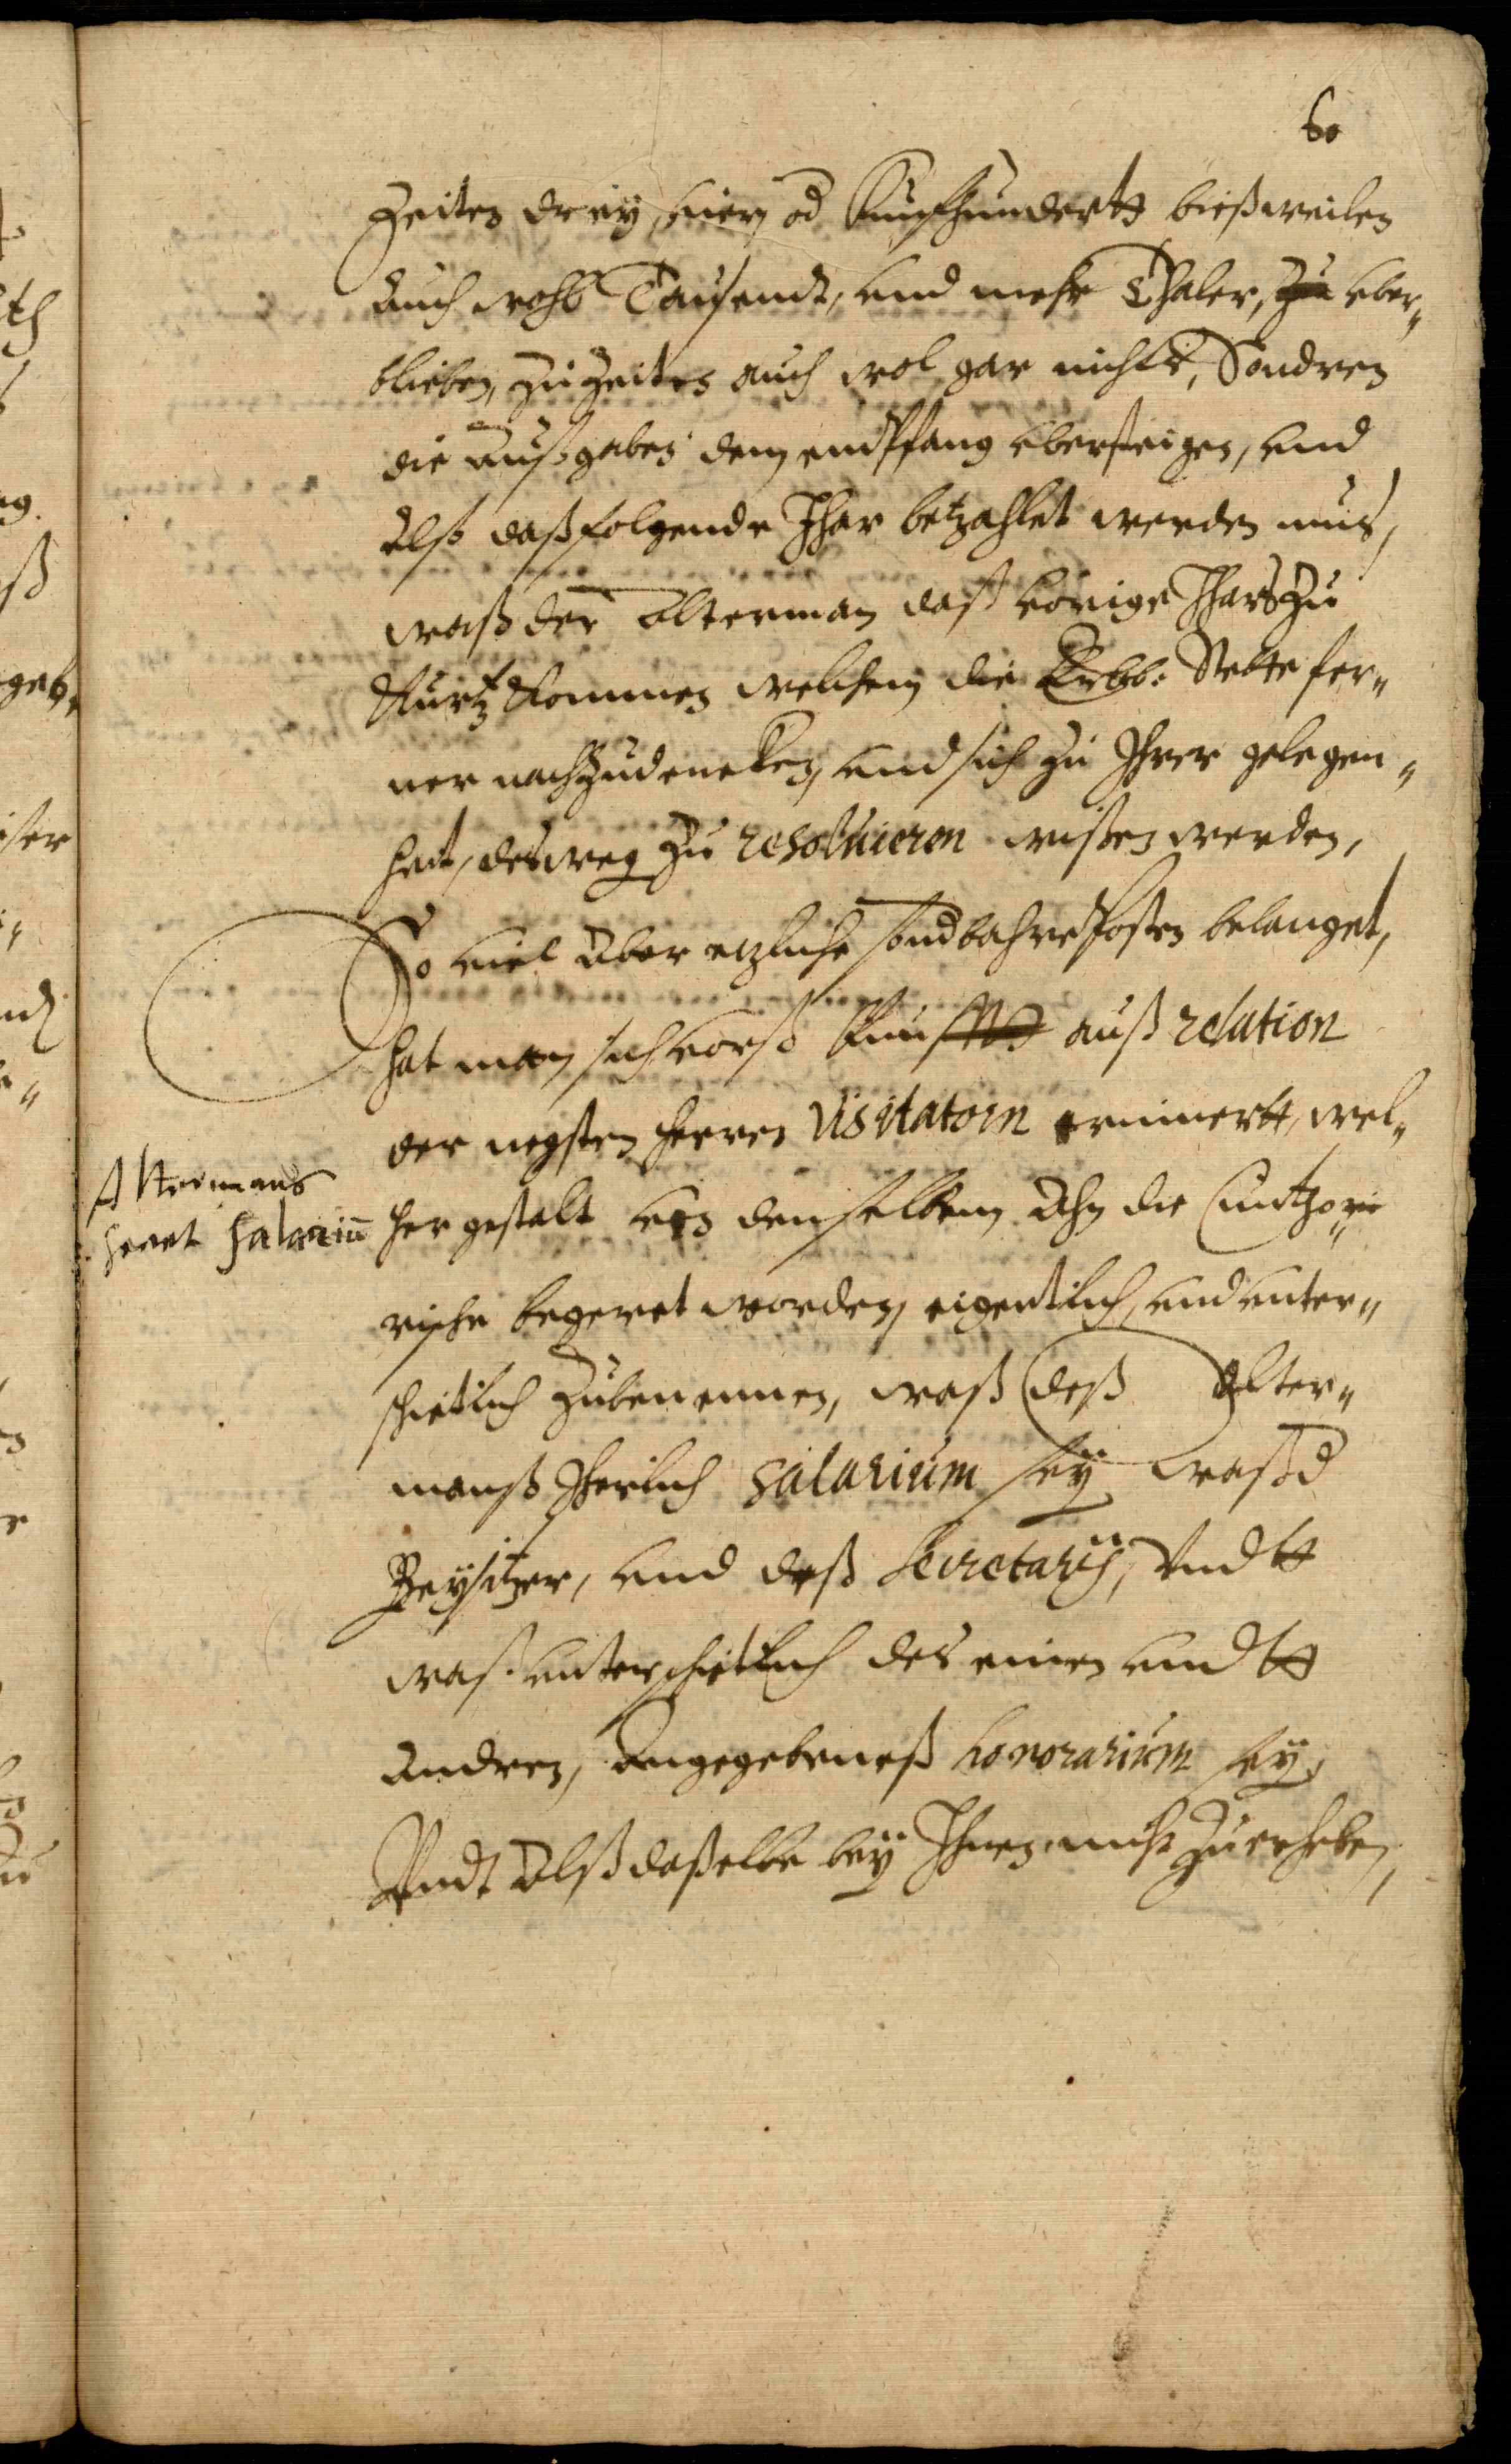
60
zeiten dreij, vier oder Funfhundertt bißweilen
auch wohl Tausendt, vnd mehr Thaler, zu vber¬
blieben zu zeiten auch wol gar nichts, Sondren
die Außgaben dem empfang vbersteigen, vnd
Also daß folgende Jhar betzahlet werden mus,
waß der Alterman daß vorige Ihars zu
kurtz kommen welchem die Erbb: Stette fer¬
ner nachzudencken, vnd sich zu Ihrer gelegen¬
heit, deswegen zu resoluieren wißen werden,
So viel Aber etzliche sonderbahre Posten belanget,
hat man sich vorß Funftt auß relation
der negsten herrn visitatorn erinnertt, wel¬
cher gestalt von denselben Ahn die Cuntho¬
rischen begeret worden, eigentlich, vnd vnter¬
schietlich zubenennen, waß deß alter¬
manß Jherlich salarium seij waß der
Beijsitzer, vnd deß Secretarij, vndtt
waß vnterschiedlich des einen vndtt
Andren, Angegebeneß honorarium seij,
Vndt alß daßelbe beij Ihnen nicht zuerheben,
Altermans
heret Salarium
